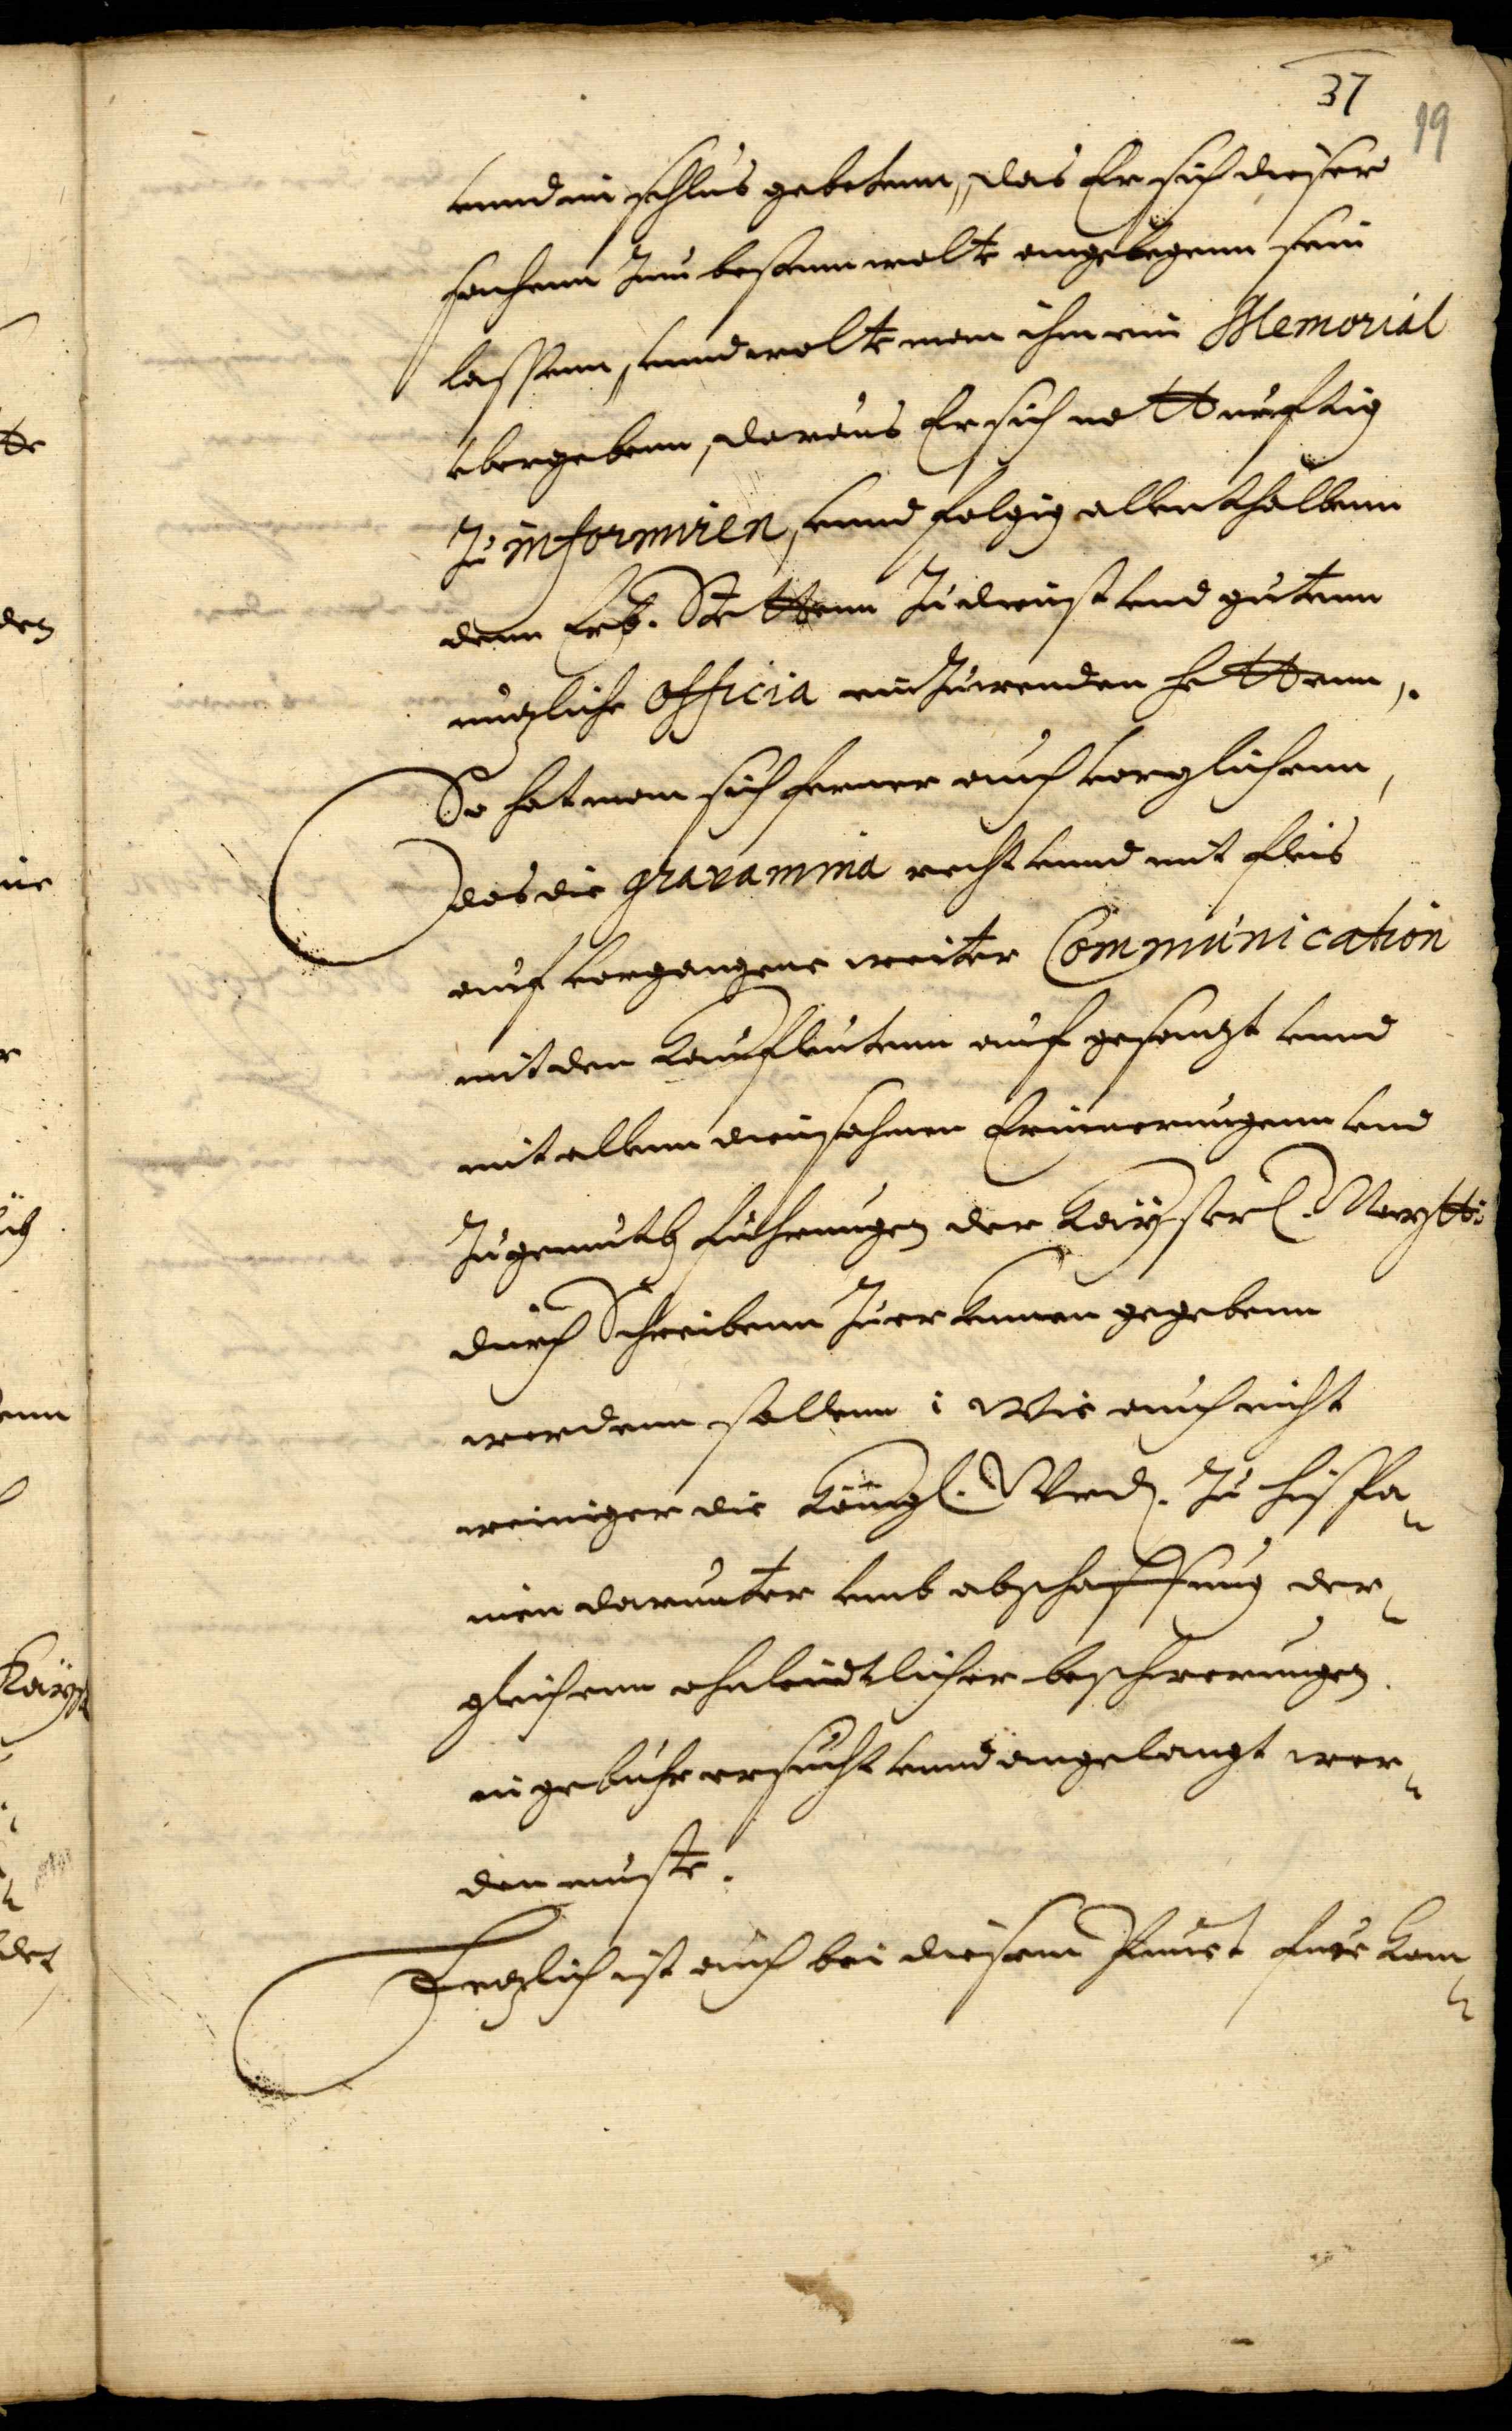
37
vnnd im Schlus gebetenn, das Er sich dieser
sachenn zum bestenn wolte angelegenn sein
lassenn, vnnd wolte man ihm ein Memorial
vbergebenn, daraus Er sich notturftig
zu informiren, vnnd folgig allenthalbenn
denn Erb. Stettenn zu drust vnnd gutenn
nutzliche officia nutzuwenden hettenn,.
So hat man sich ferner auch vorglichenn,
das die gravamnia recht vnnd mit fleis
auf vorgangene weiter Communication
mit den Kaufleutenn auf gesangt vnnd
mit allenn dringsahmen Erinnerungenn vnd
zu gemuth fuhrungen der Keijserl. Maytt:
durch Schreibenn zuerkennen gegebenn
werdenn sollenn; Wie auch nicht
weiniger die Königl. Wrd. zu hispa¬
nien darunter vmb abschaffung der¬
gleichenn ohnleidlicher beschwerungen
in gebuhr ersucht vnnd angelangt wer¬
den muste.
Endlich ist auch bei diesem Punct fur kom¬
